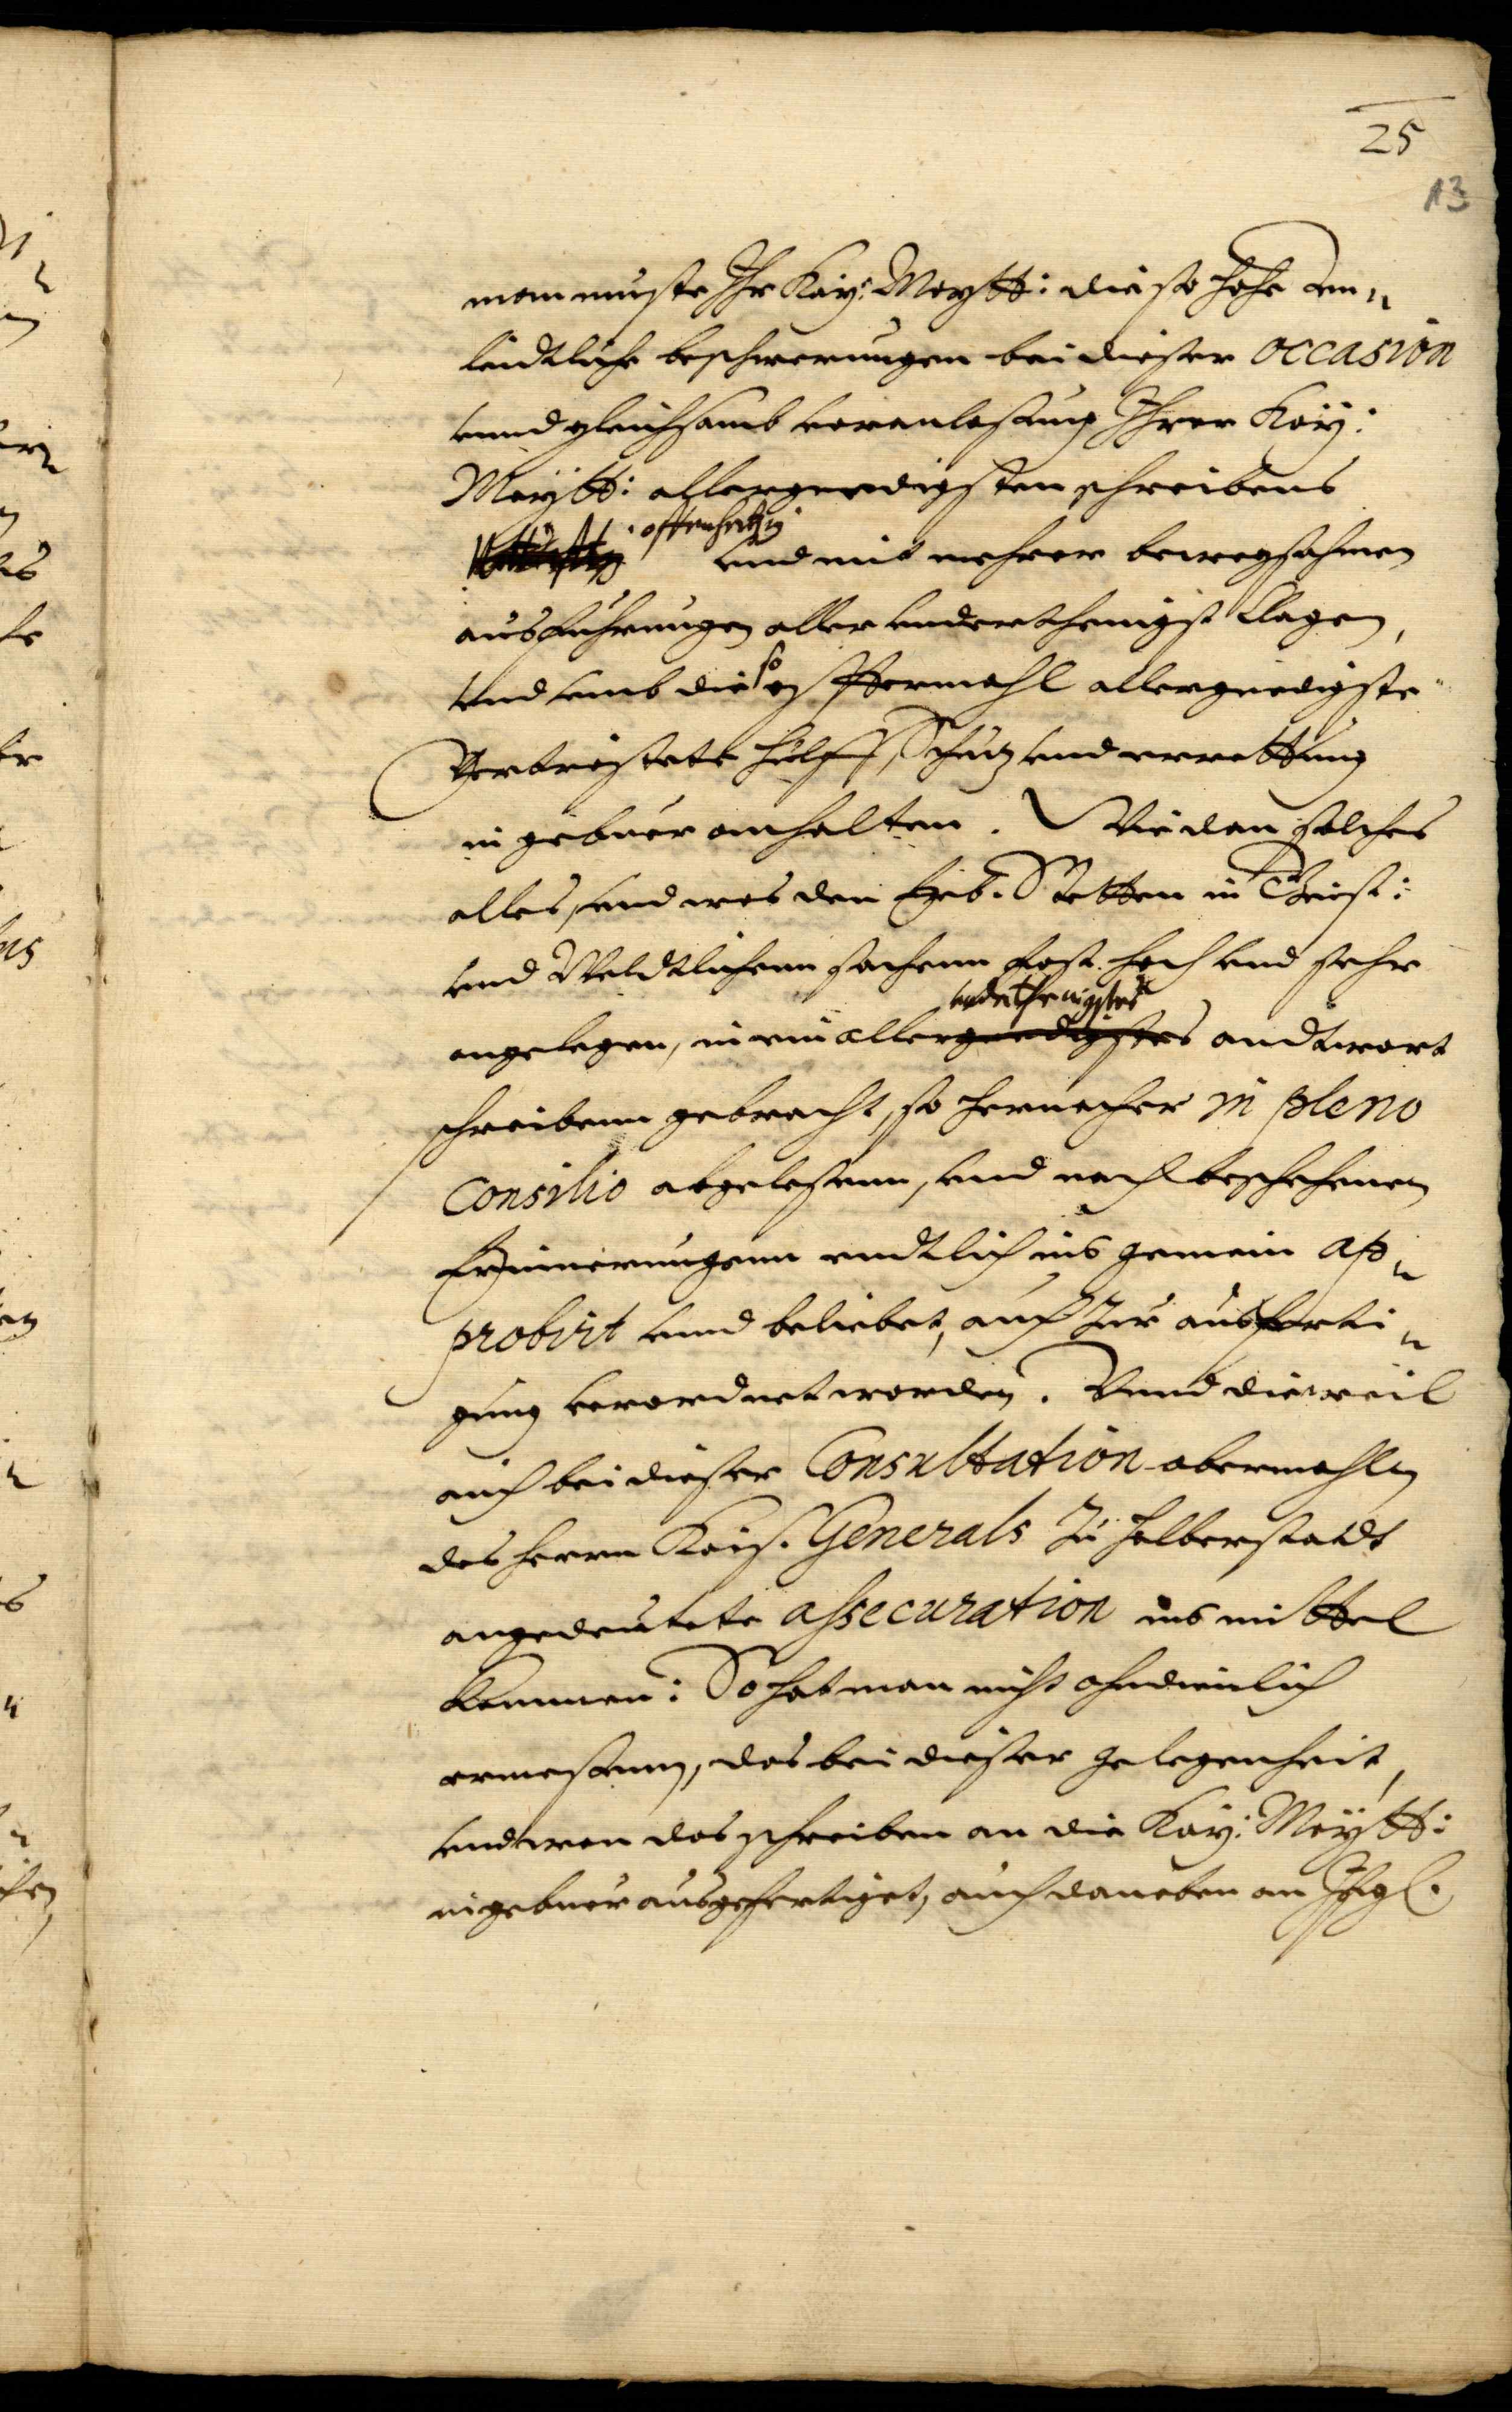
25
man muste Ihr Kaij: Maijtt: diese hohe Vn¬
leidtliche beschwerungen bei dieser occasion
vnnd gleichsamb Voranlaßung Ihrer Kaij:
Maijtt: allergnedigsten schreibens
offenhertzig
Notturfftig vnd mit mehrer bewegsahmen
ausfuhrungen aller vnderthenigst Clagen,
so
vnd vmb die offtermahl allergnedigste
Vertröstete hulff, Schutz vnd errettung
in gebuer anhalten. Wie dan solches
alles, vnd was den Erb. Stetten in Geist:
vnd Weldtlichenn sachenn fast hoch vnd sehr
vnderthenigstes
angelegen, in ein allergnedigstes andtwort
schreibenn gebracht, so hernacher in pleno
Consilio abgeleßenn, vnd nach beschehenen
Erinnerungenn endtlich ins gemein ap¬
probirt vnd beliebet, auch zur ausferti¬
gung verordnet worden. Vnnd dieweil
auch bei dieser Consultation abermahlen
des herrn Kais. Generals zu Halberstadt
angedeutete assecuration ins mittel
kommen: So hat man nicht ohndienlich
ermeßenn, das bei dieser gelegenheit,
vnd wan das schreiben an die Kaij: Maijtt:
in gebuer ausgefertiget, auch daneben an Ifgl.
